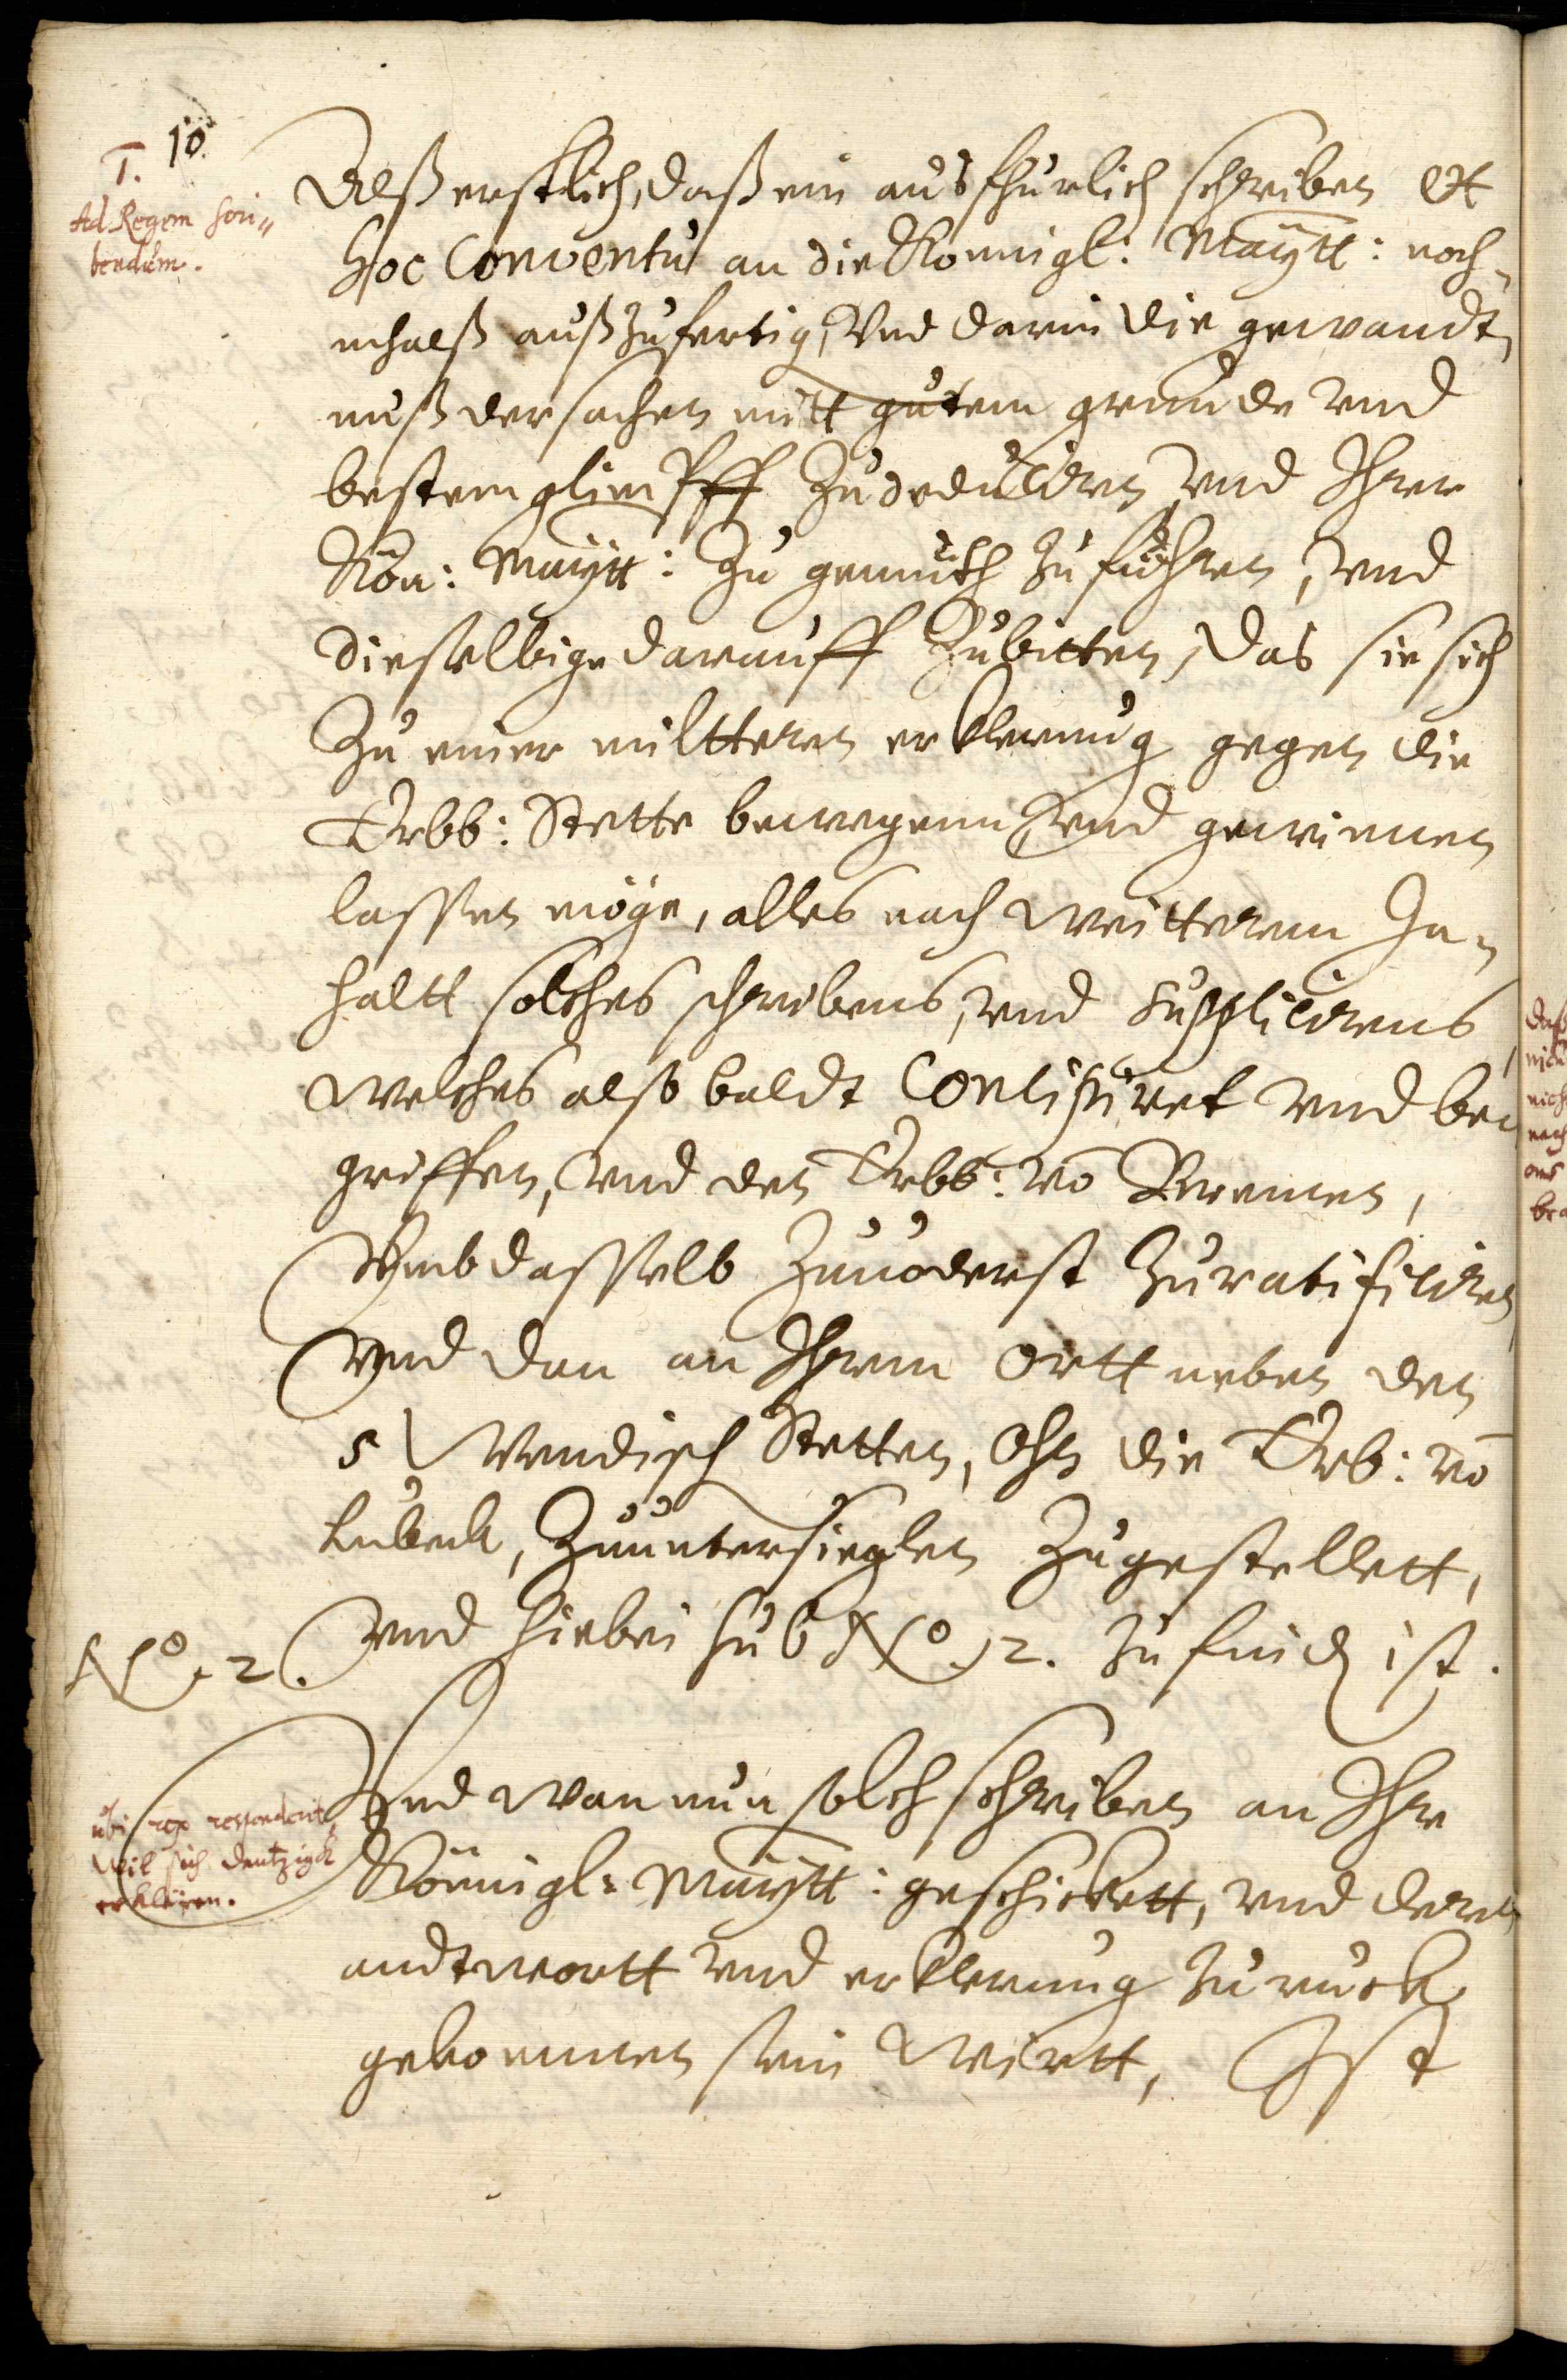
10
1.
Ad Regem scri¬
bendum.
Alß erstlich, daß ein ausfhurlich schreiben ex
hoc conventu an die Konnigl: Maijtt: noch¬
mhalß außzufertigen, Vnd darin die gewandt¬
nuß der sachen mitt gutem grunde vnd
bestem glimpff zu deduldten vnd Ihrer
Kön: Maijtt: zu gemuth zu führen, vnd
dieselbige darauff zubitten, das sie sich
zu einer miltteren erklerung gegen die
Erbb: Stette bewegenn vnd gewinnen
lassen möge, alles nach weitterem In¬
haltt solches schreibens, vnd supplicirens,
welches als baldt Concipiret vnd be¬
griffen, vnd den Erbb: von Bremen,
Vmb dasselb zuuorderst zu ratificiren,
vnd dan an Ihrm Ortt neben den
5 Wendischen Stetten, ohn die Erb: von
Lubeck, zuuntersieglen zugestellett,
vnd hiebei sub No 2. zufinden ist.
No 2.
ubi rex responderit,
wil sich Dantzigk
erklären.
Vnd wan nun solch schreiben an Ihre
Könnigl. Maijtt: geschickett, vnd deren
andtwortt vnd erklerung zuruck
gekommen sein wirtt, Ist
